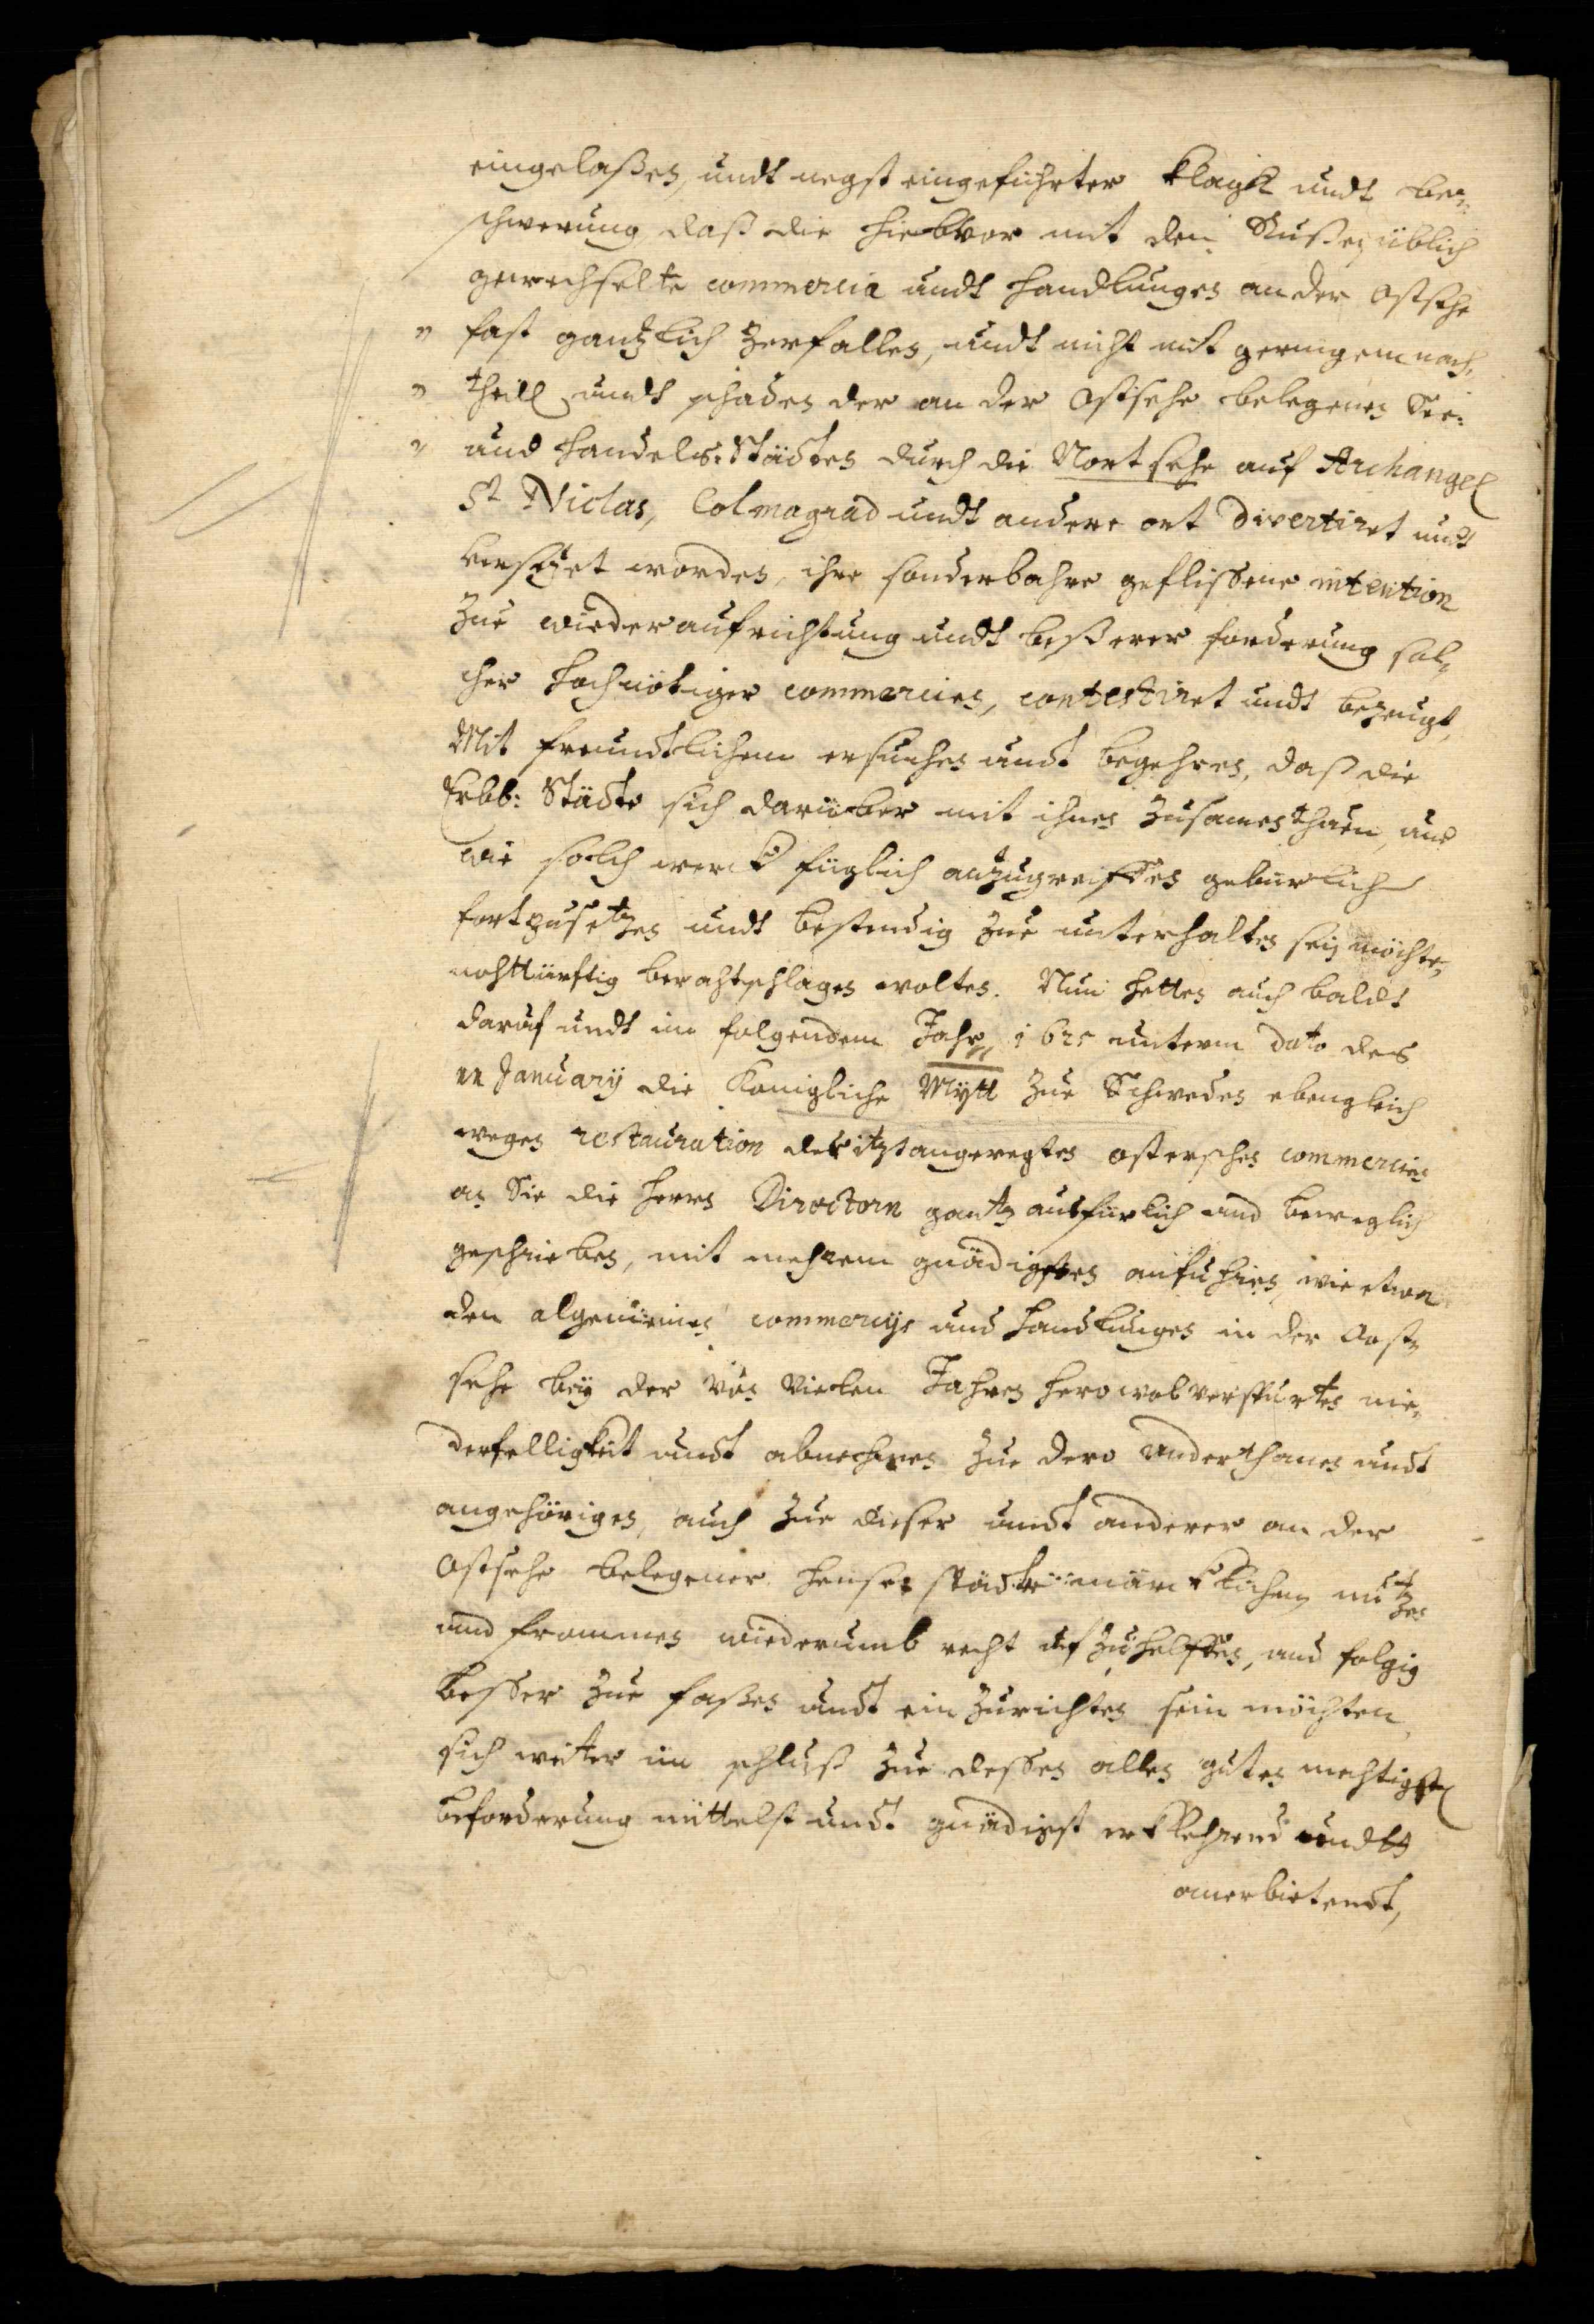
eingelaßen undt negst eingeführter Klagk undt be¬
schwerung, daß die hiebvor mit den Rußen üblich
gewechselte commercia undt handlungen an der Ostsehe
fast gantzlich zerfallen, undt nicht mit geringem nach¬
theill undt schaden der an der Ostsehe belegenen See¬
und handels-Städten durch die Nortsehe auf Archangel
St Niclas, Colmagrad undt andere ort divertiret undt
versetzet worden, ihre sonderbahre geflissene intention
zur wiederaufrichtung undt lasß erer sanderung sol¬
cher hochnötiger commercien, contestiret undt bezeugt,
Mit freundtlichem ersuchen undt begehren, daß die
Erbb: Städte sich darüber mit ihnen zusamenthuen auch
wie solch werck füglich anzugreiffen gebürlich
fortzusetzen undt bestendig zue unterhalten sein möchte,
nohttürftig berahtschlagen wolten. Nun hetten auch baldt
daruf undt im folgendem Jahr 1625 unterm dato des
11 Januarij die konigliche Mijtt zue Schweden ebengleich
wegen restauration der itzt angeregten osterschen commercien
an Sie die Herrn Directorn gantz ausfürlich und beweglich
geschrieben, mit mehren gnädigsten anfuhren, wie etwa
den algemeinen commercijs und handlungen in der Oost¬
sehe beij der von vielen Jahrern hero wolverspurten nie¬
derfelligkeit undt abnehmen zue dero underthanen undt
angehörigen, auch zue dieser undt anderer an der
Ostsehe belegener hensee städte märcklichem nutzen
und frommen wiederumb recht ufzuhelffen, und folgig
besser zue faßen undt ein zurichten sein möchten,
sich weiter im schluß zue dessen allen guten mechtigsten
beforderung mittelst undt gnädigst erklehrend
anerbietendt,
